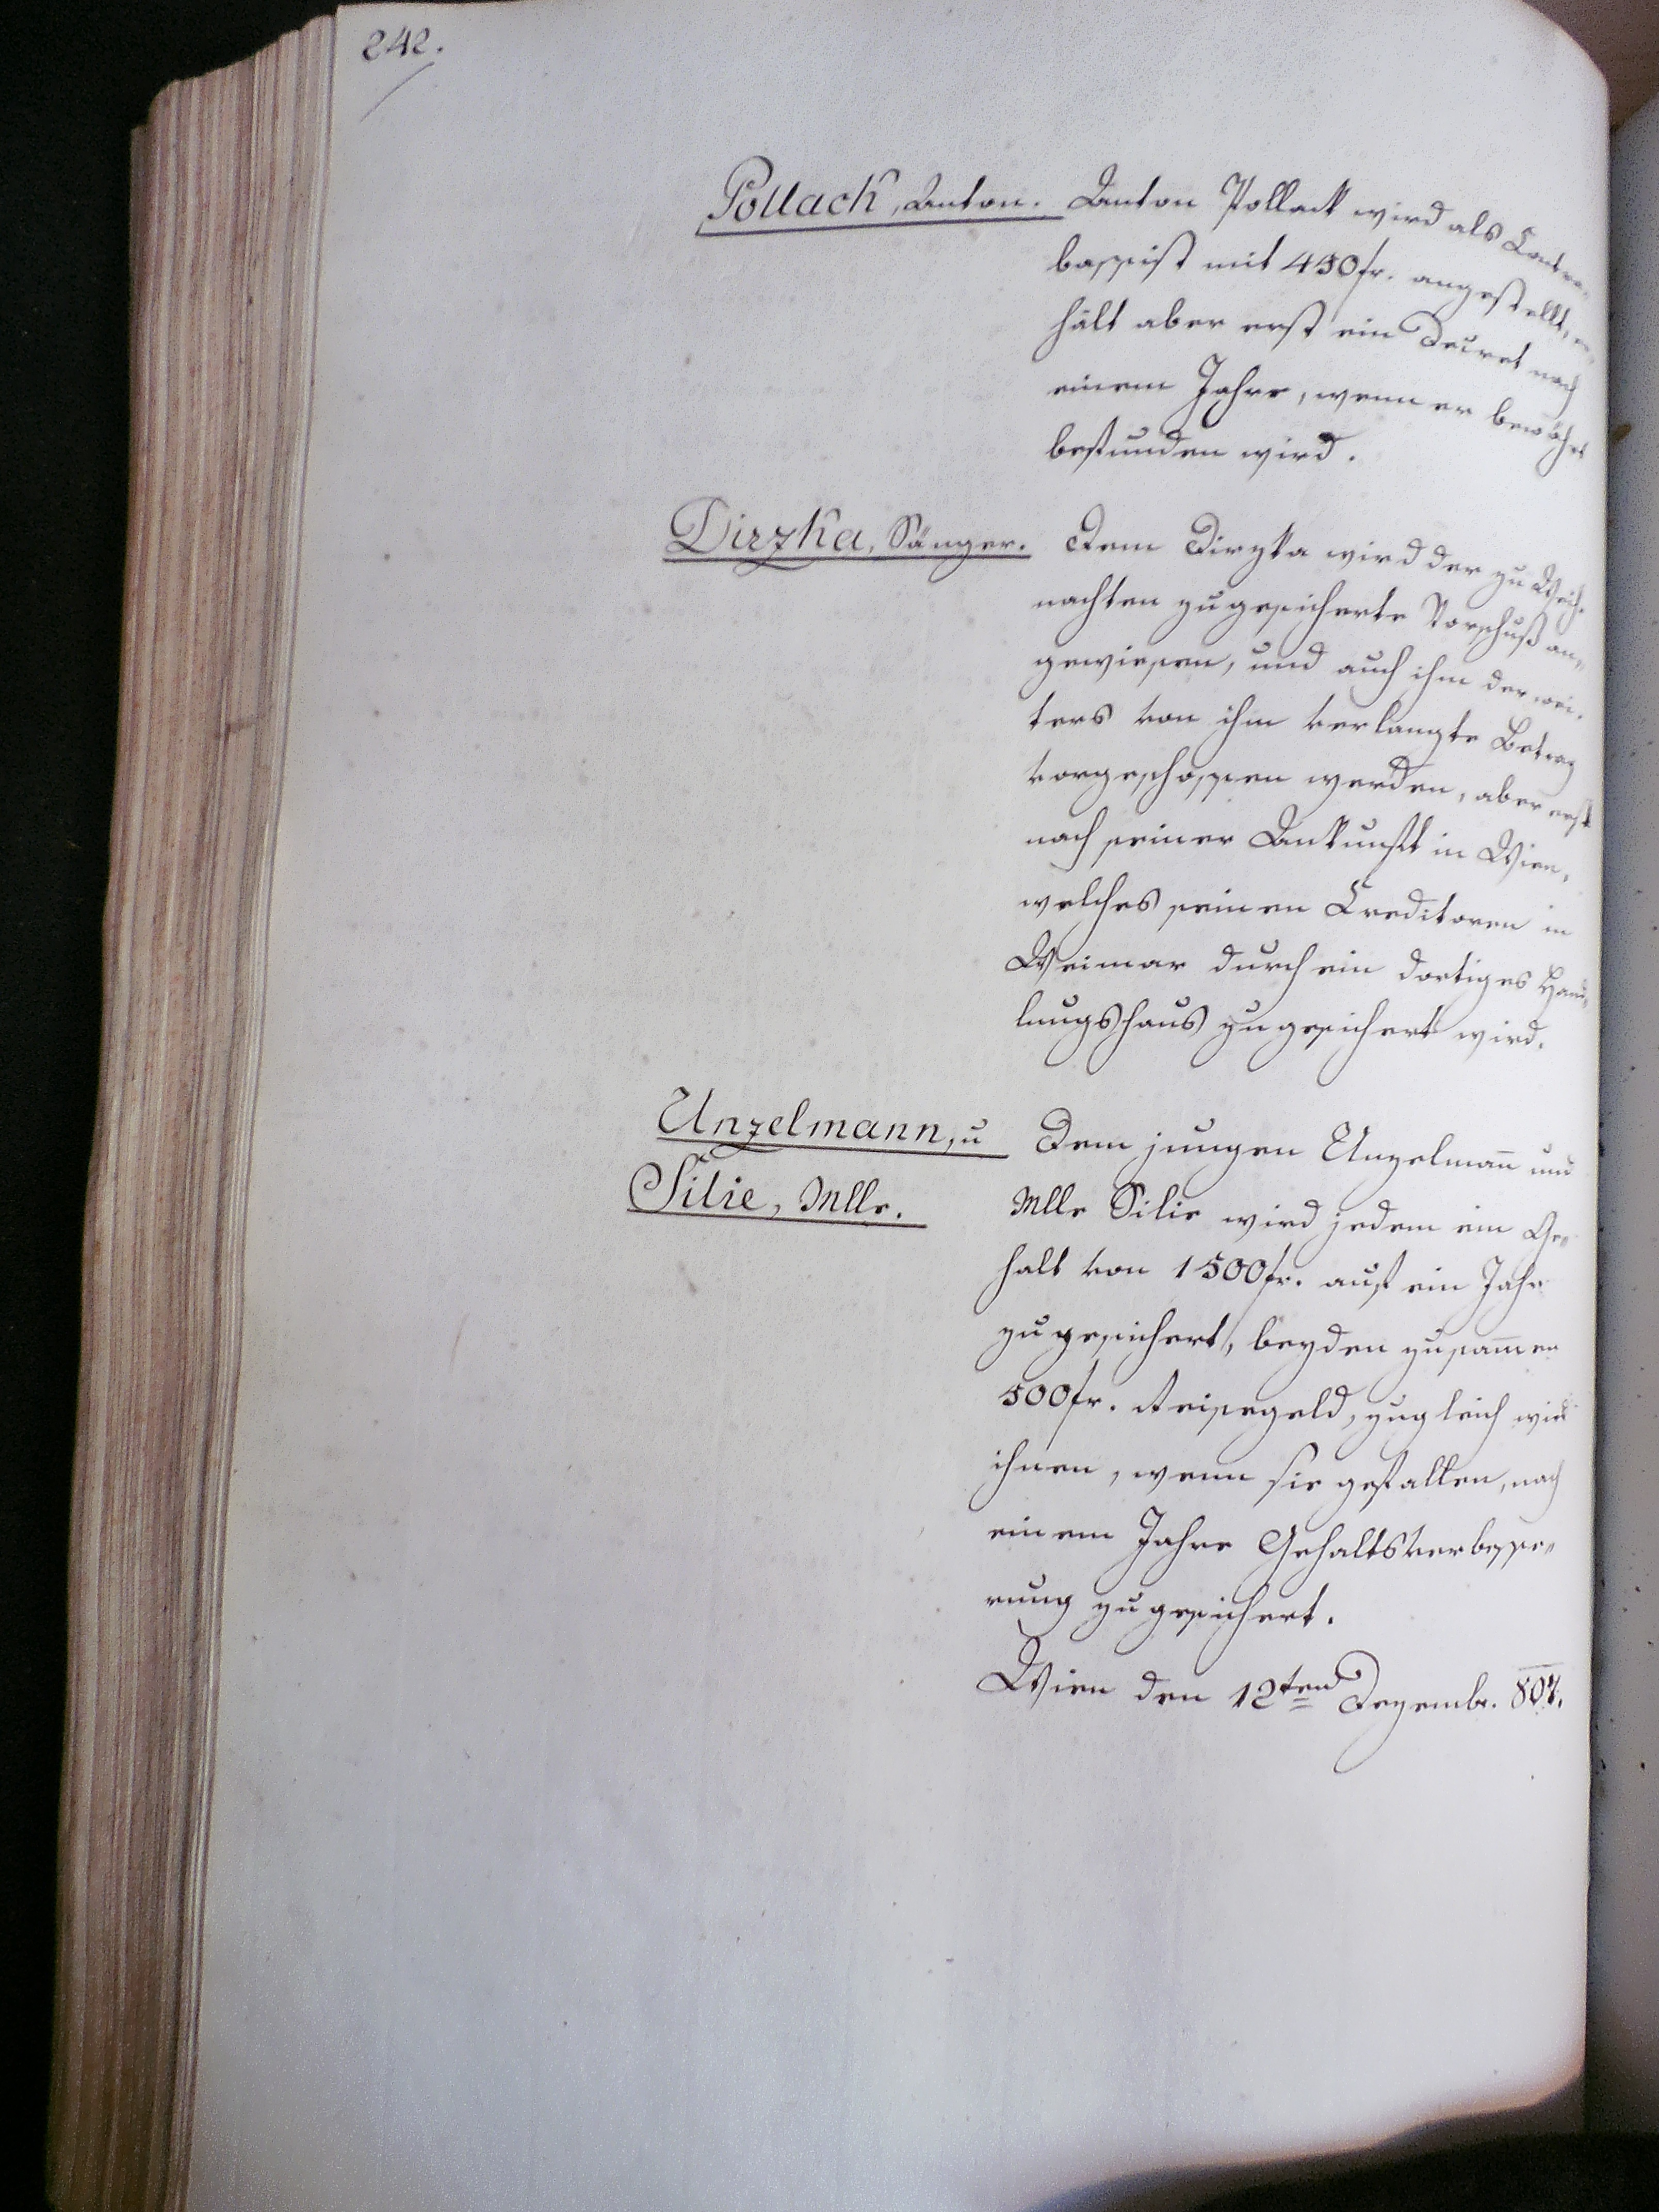242.
Pollack, Anton. Anton Pollack wird als Contra¬
bassist mit 450fr. angestellt, er¬
hält aber erst ein Decret nach
einem Jahr, wenn er bewährt
befunden wird.
Dirzka, Sänger. Dem Dirzka wird der zu Weih¬
nachten zugesicherte Vorschuß an¬
gewiesen, und auch ihm der wei¬
ters von ihm verlängte Betrag
vorgeschossen werden, aber erst
nach seiner Ankunft in Wien,
welches seinen Creditoren in
Weimar durch ein dortiges Hand¬
lungshaus zungesichert wird.
Unzelmann, u
Silie, Mlle.
Dem jungen Unzelman̅ und
Mlle Silie wird jedem ein Ge¬
halt von 1500fr. auf ein Jahr
zugesichert, beyden zusam̅en
500fr. Reisegeld, zugleich wird
ihnen, wenn sie gefallen, nach
einem Jahre Gehaltsverbesse¬
rung zu gesichert.
Wien den 12te͇n Dezembe. 8͞0͞7.